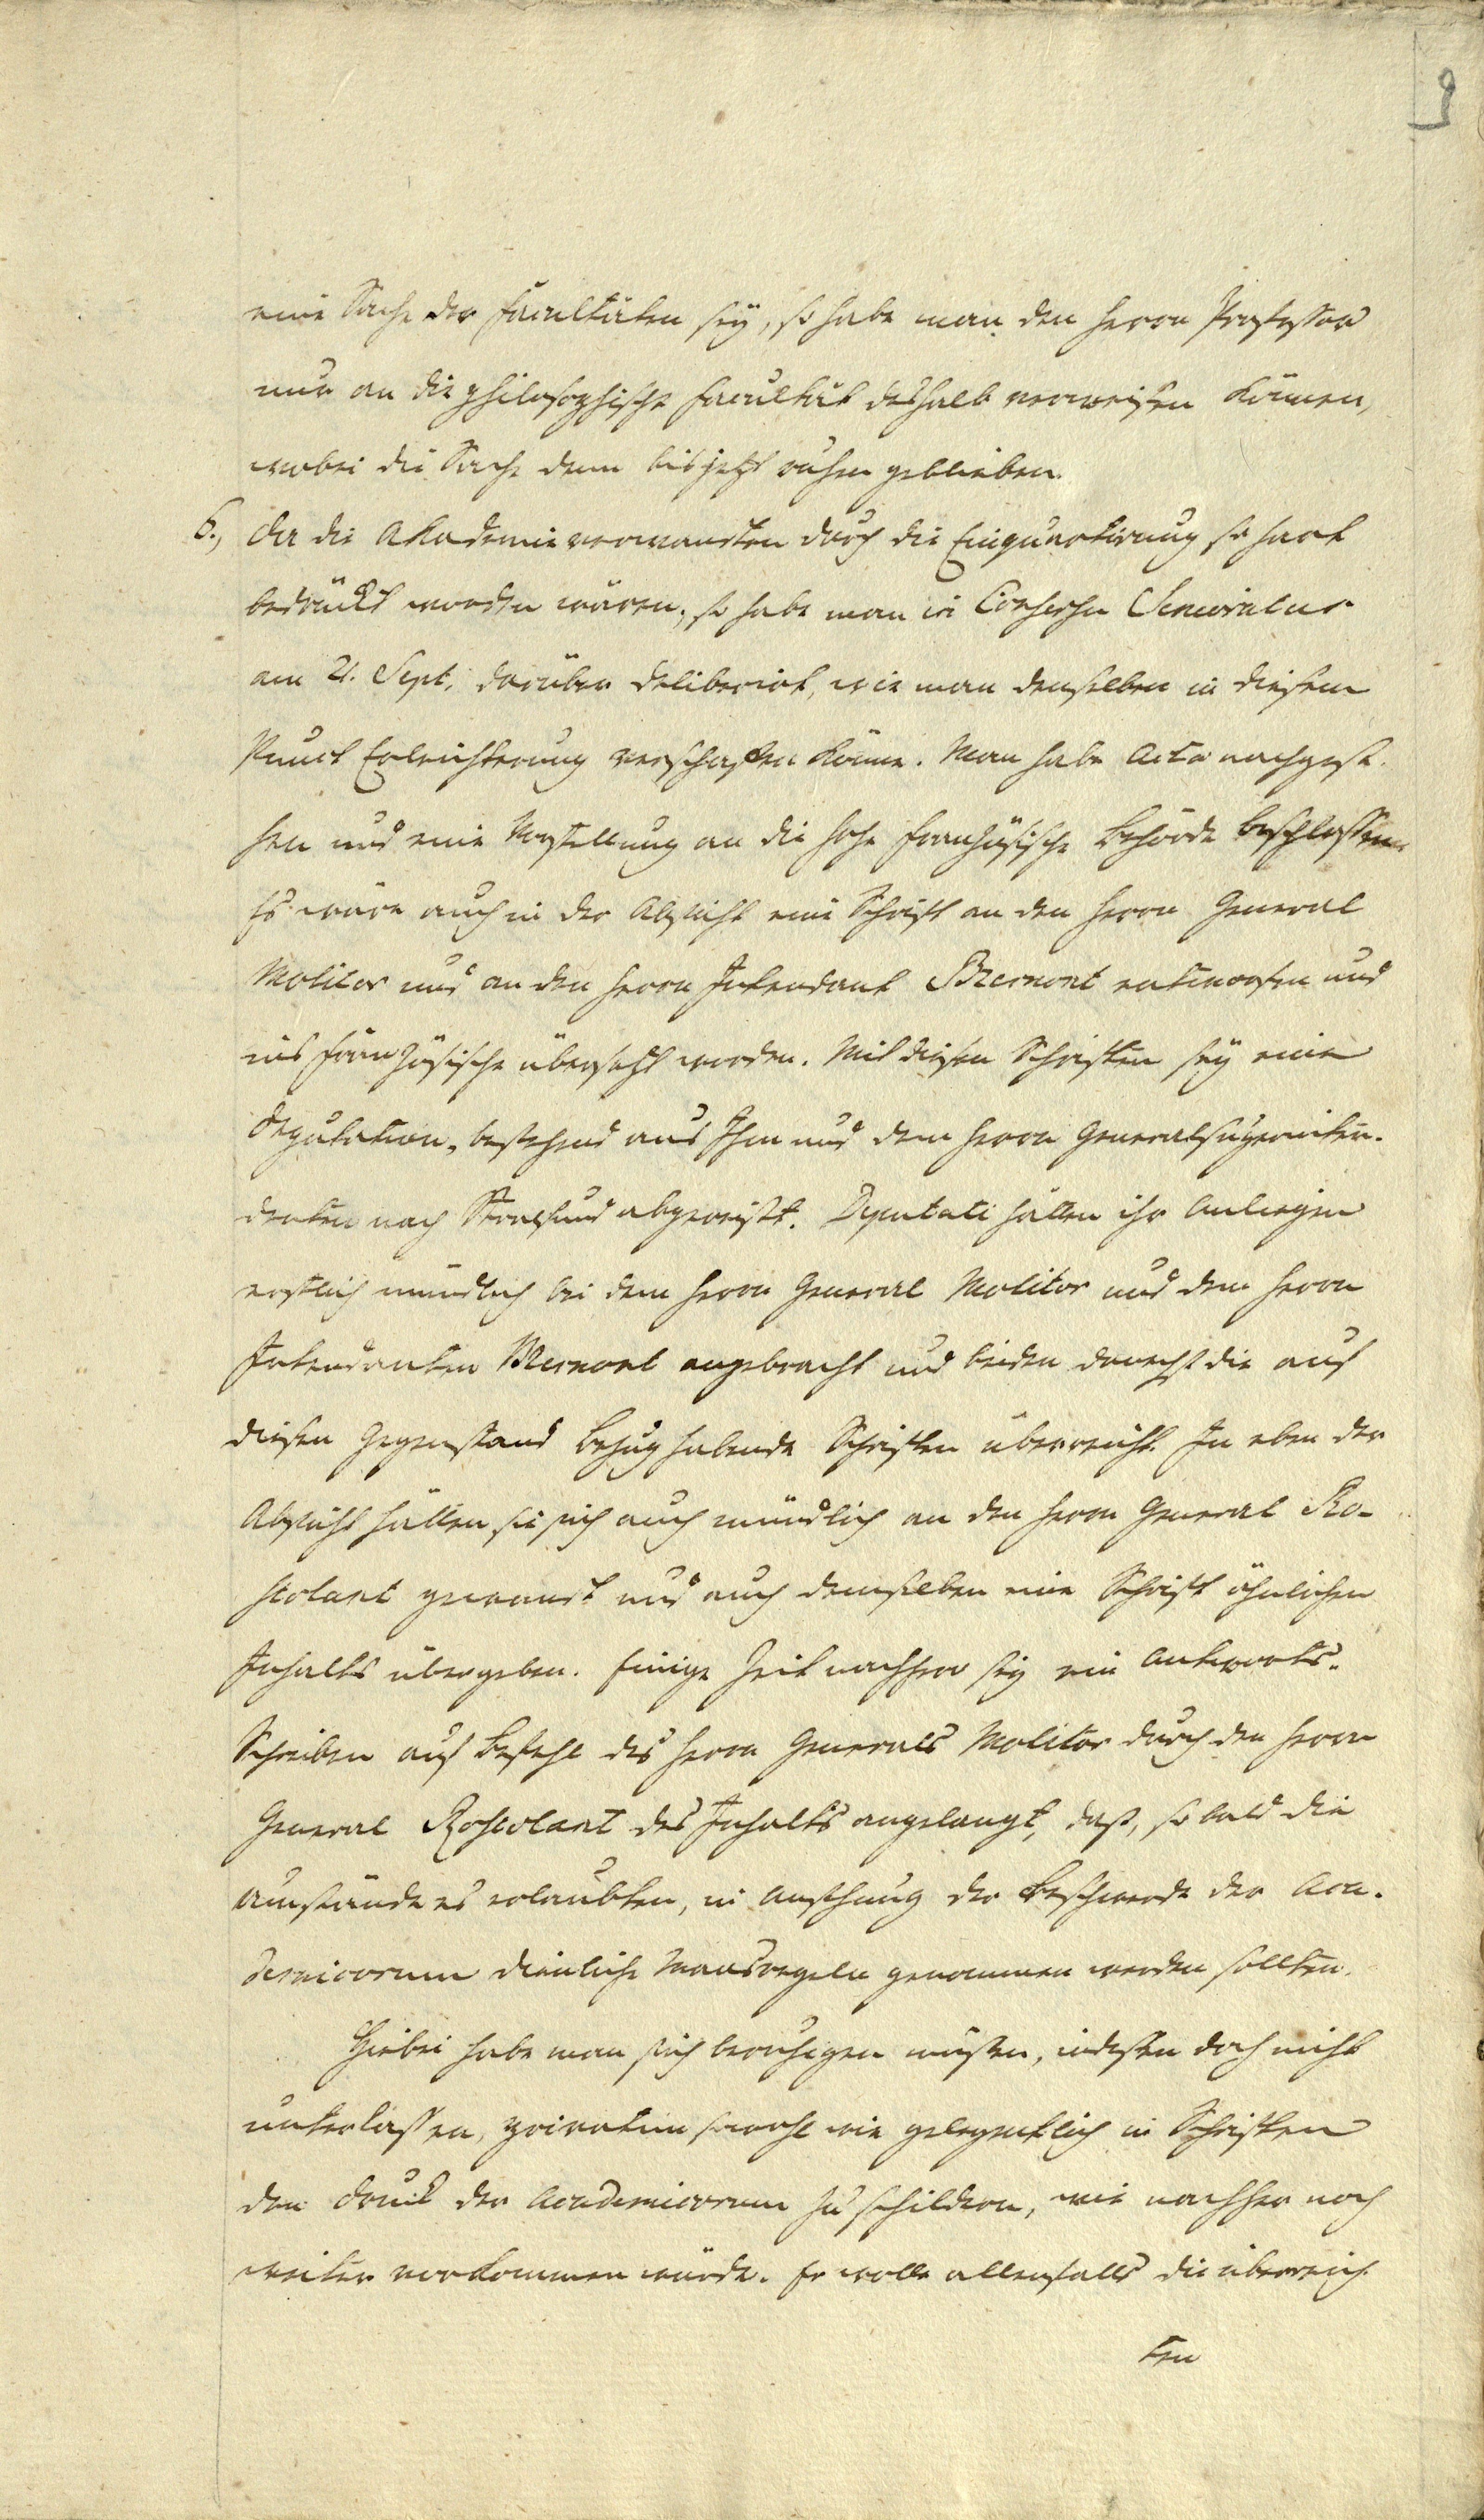eine Sache der Facultäten seÿ, so habe man den Herrn Professor
nur an die philosophische Facultät deshalb verweisen können,
wobei die Sache denn bis jetzt ruhen geblieben.
6., Da die Akademieverwandten durch die Einquartirung so hart
bedrückt worden wären, so habe man in Consessu Senioratus
am 21. Sept, darüber deliberirt, wie man demselben in diesem
Punct Erleichterung verschaffen könne. Man habe Acta nachgese¬
hen und eine Vorstellung an die hohe Französische Behörde beschlossen.
Es wäre auch in der Absicht eine Schrift an den Herrn General
Molitor und an den Herrn Intendant Bremont entworfen und
ins Französische übersetzt worden. Mit diesen Schriften seÿ eine
Deputation, bestehend aus Ihm und dem Herrn Generalsuperinten¬
denten nach Stralsund abgereist. Deputati hätten ihr Anliegen
erstlich mündlich bei dem Herrn General Molitor und dem Herrn
Intendanten Bremont angebracht und beiden danechst die auf
diesen Gegenstand Bezug habende Schriften überreicht. In eben der
Absicht hätten sie sich auch mündlich an den Herrn General Ro¬
scolant gewandt und auch demselben eine Schrift ähnlichen
Inhalts übergeben. Einige Zeit nachhero seÿ ein Antworts¬
Schreiben auf Befehl des Herrn Generals Molitor durch den Herrn
General Roscolant des Inhalts angelangt, daß, so bald die
Umstände es erlaubten, in Ansehung der Beschwerde der Aca¬
demicorum dienliche Maasregeln genommen werden sollten.
Hiebei habe man sich beruhigen müssen, indessen doch nicht
unterlassen, privatim sowohl wie gelegentlich in Schriften
den Druck der Academicorum zu schildern, wie nachher noch
weiter vorkommen würde. Er wolle allenfalls die überreich¬
ten